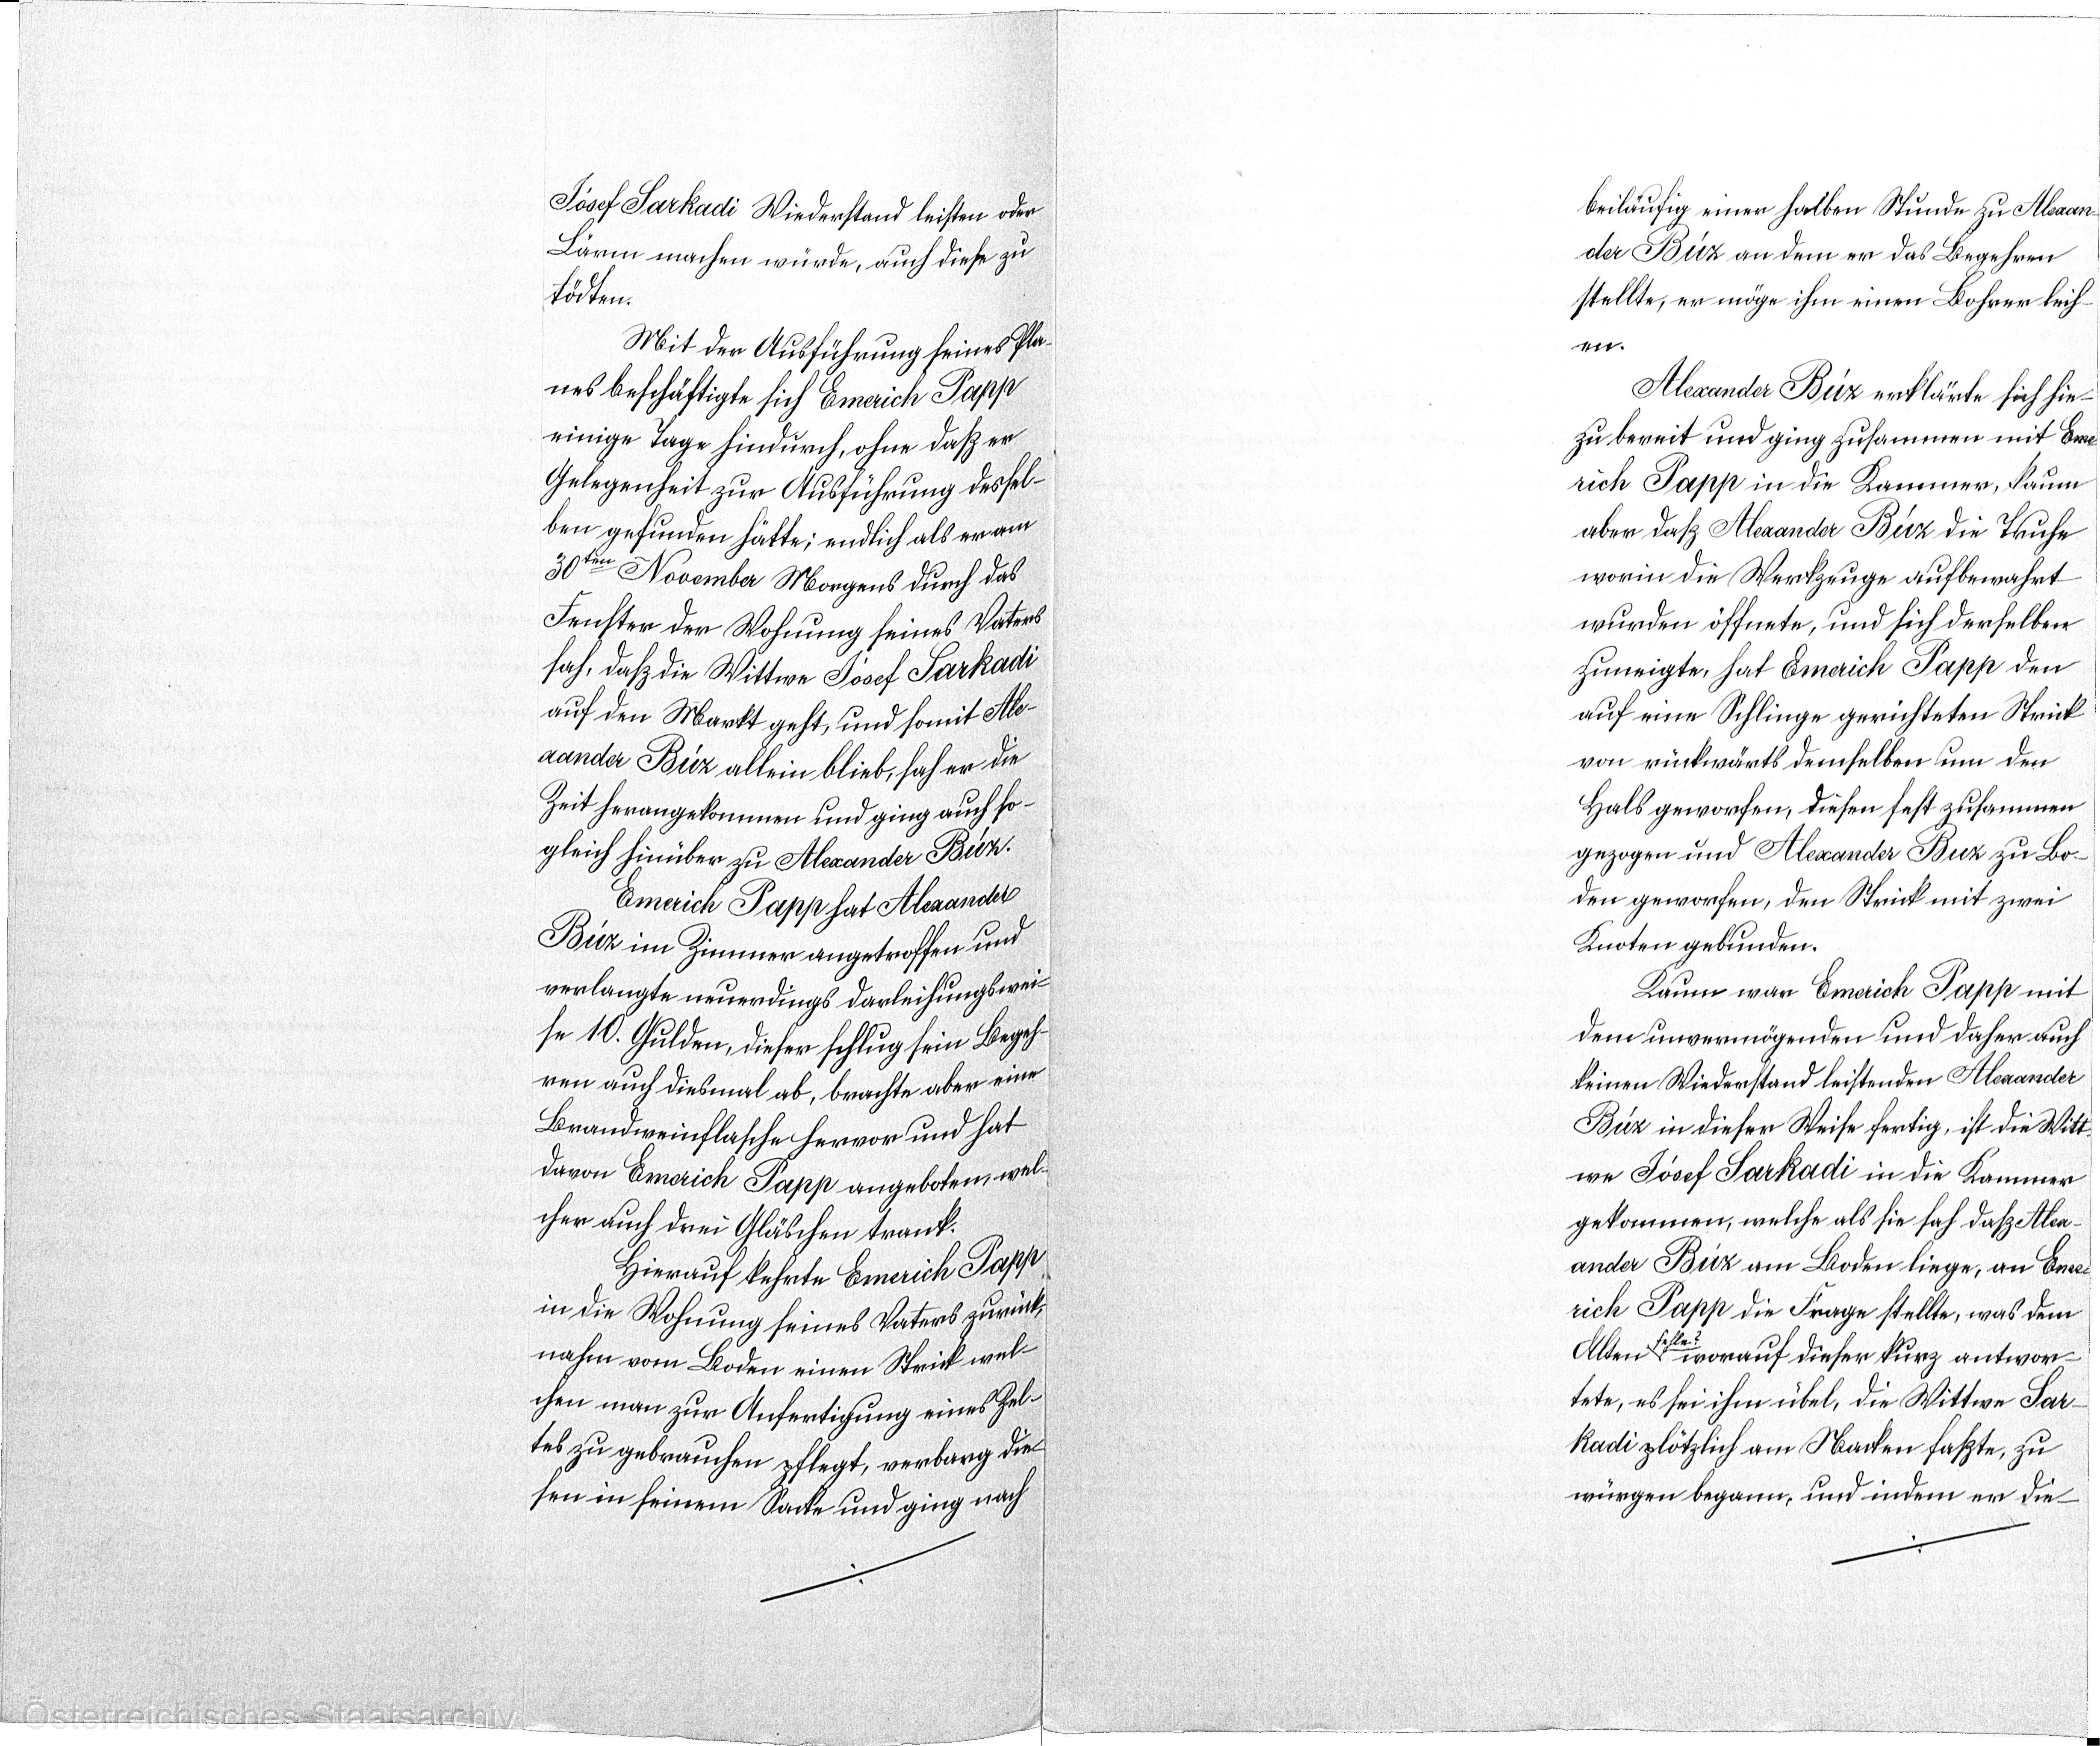Jósef Sarkadi Wiederstand leisten oder
Lärm machen würde, auch diese zu
tödten.
Mit der Ausführung seines Pla¬
nes beschäftigte sich Emerich Papp
einige Tage hindurch, ohne daß er
Gelegenheit zur Ausführung dessel¬
ben gefunden hätte; endlich als er am
30ten November Morgens durch das
Fenster der Wohnung seines Vaters
sah, daß die Wittwe Jósef Sarkadi
auf den Markt geht, und somit Ale¬
xander Búz allein blieb, sah er die
Zeit herangekommen und ging auch so¬
gleich hinüber zu Alexander Búz.
Emerich Papp hat Alexander
Búz im Zimmer angetroffen und
verlangte neuerdings darleihungswei¬
se 10. Gulden, dieser schlug sein Begeh¬
ren auch diesmal ab, brachte aber eine
Brandweinflasche hervor und hat
davon Emerich Papp angeboten, wel¬
cher auch drei Gläschen trank.
Hierauf kehrte Emerich Papp
in die Wohnung seines Vaters zurück,
nahm vom Boden einen Strick
man zur Anfertigung eines Zel¬
tes zu gebrauchen pflegt, verbarg die¬
sen in seinem Sacke und ging nach
beiläufig einer halben Stunde zu Alexan¬
der Búz an dem er das Begehren
stellte, er möge ihm einen Bohrer lei¬
hen.
Alexander Búz erklärte sich hie¬
zu bereit und ging zusammen mit Eme¬
rich Papp in die Kammer, kaum
aber daß Alexander Búz die Truhe
worin die Werkzeuge aufbewahrt
wurden öffnete, und sich derselben
zuneigte, hat Emerich Papp den
auf eine Schlinge gerichteten Strick
von rückwärts demselben um den
Hals geworfen, dieser fast zusammen
gezogen und Alexander Buz zu Bo¬
den geworfen, den Strick mit zwei
Knoten gebunden.
Kaum war Emerich Papp mit
dem u[ ]Uogenden und daher auch
keinen Wiederstand lesitenden Alexander
Búz in dieser Weise fertig, ist die Witt¬
we Jósef Sarkadi in die Kammer
gekommen, welche als sie sah daß Ale¬
xander Búz am Boden liege, an Eme¬
rich Papp die Frage stellte, was dem
Alten falle? Worauf dieser kurz antwor¬
tete, es sei ihm übel, die Wittwe Sar¬
kadi plötzlich am Nacken faßte, zu
würgen begann, und indem er die¬